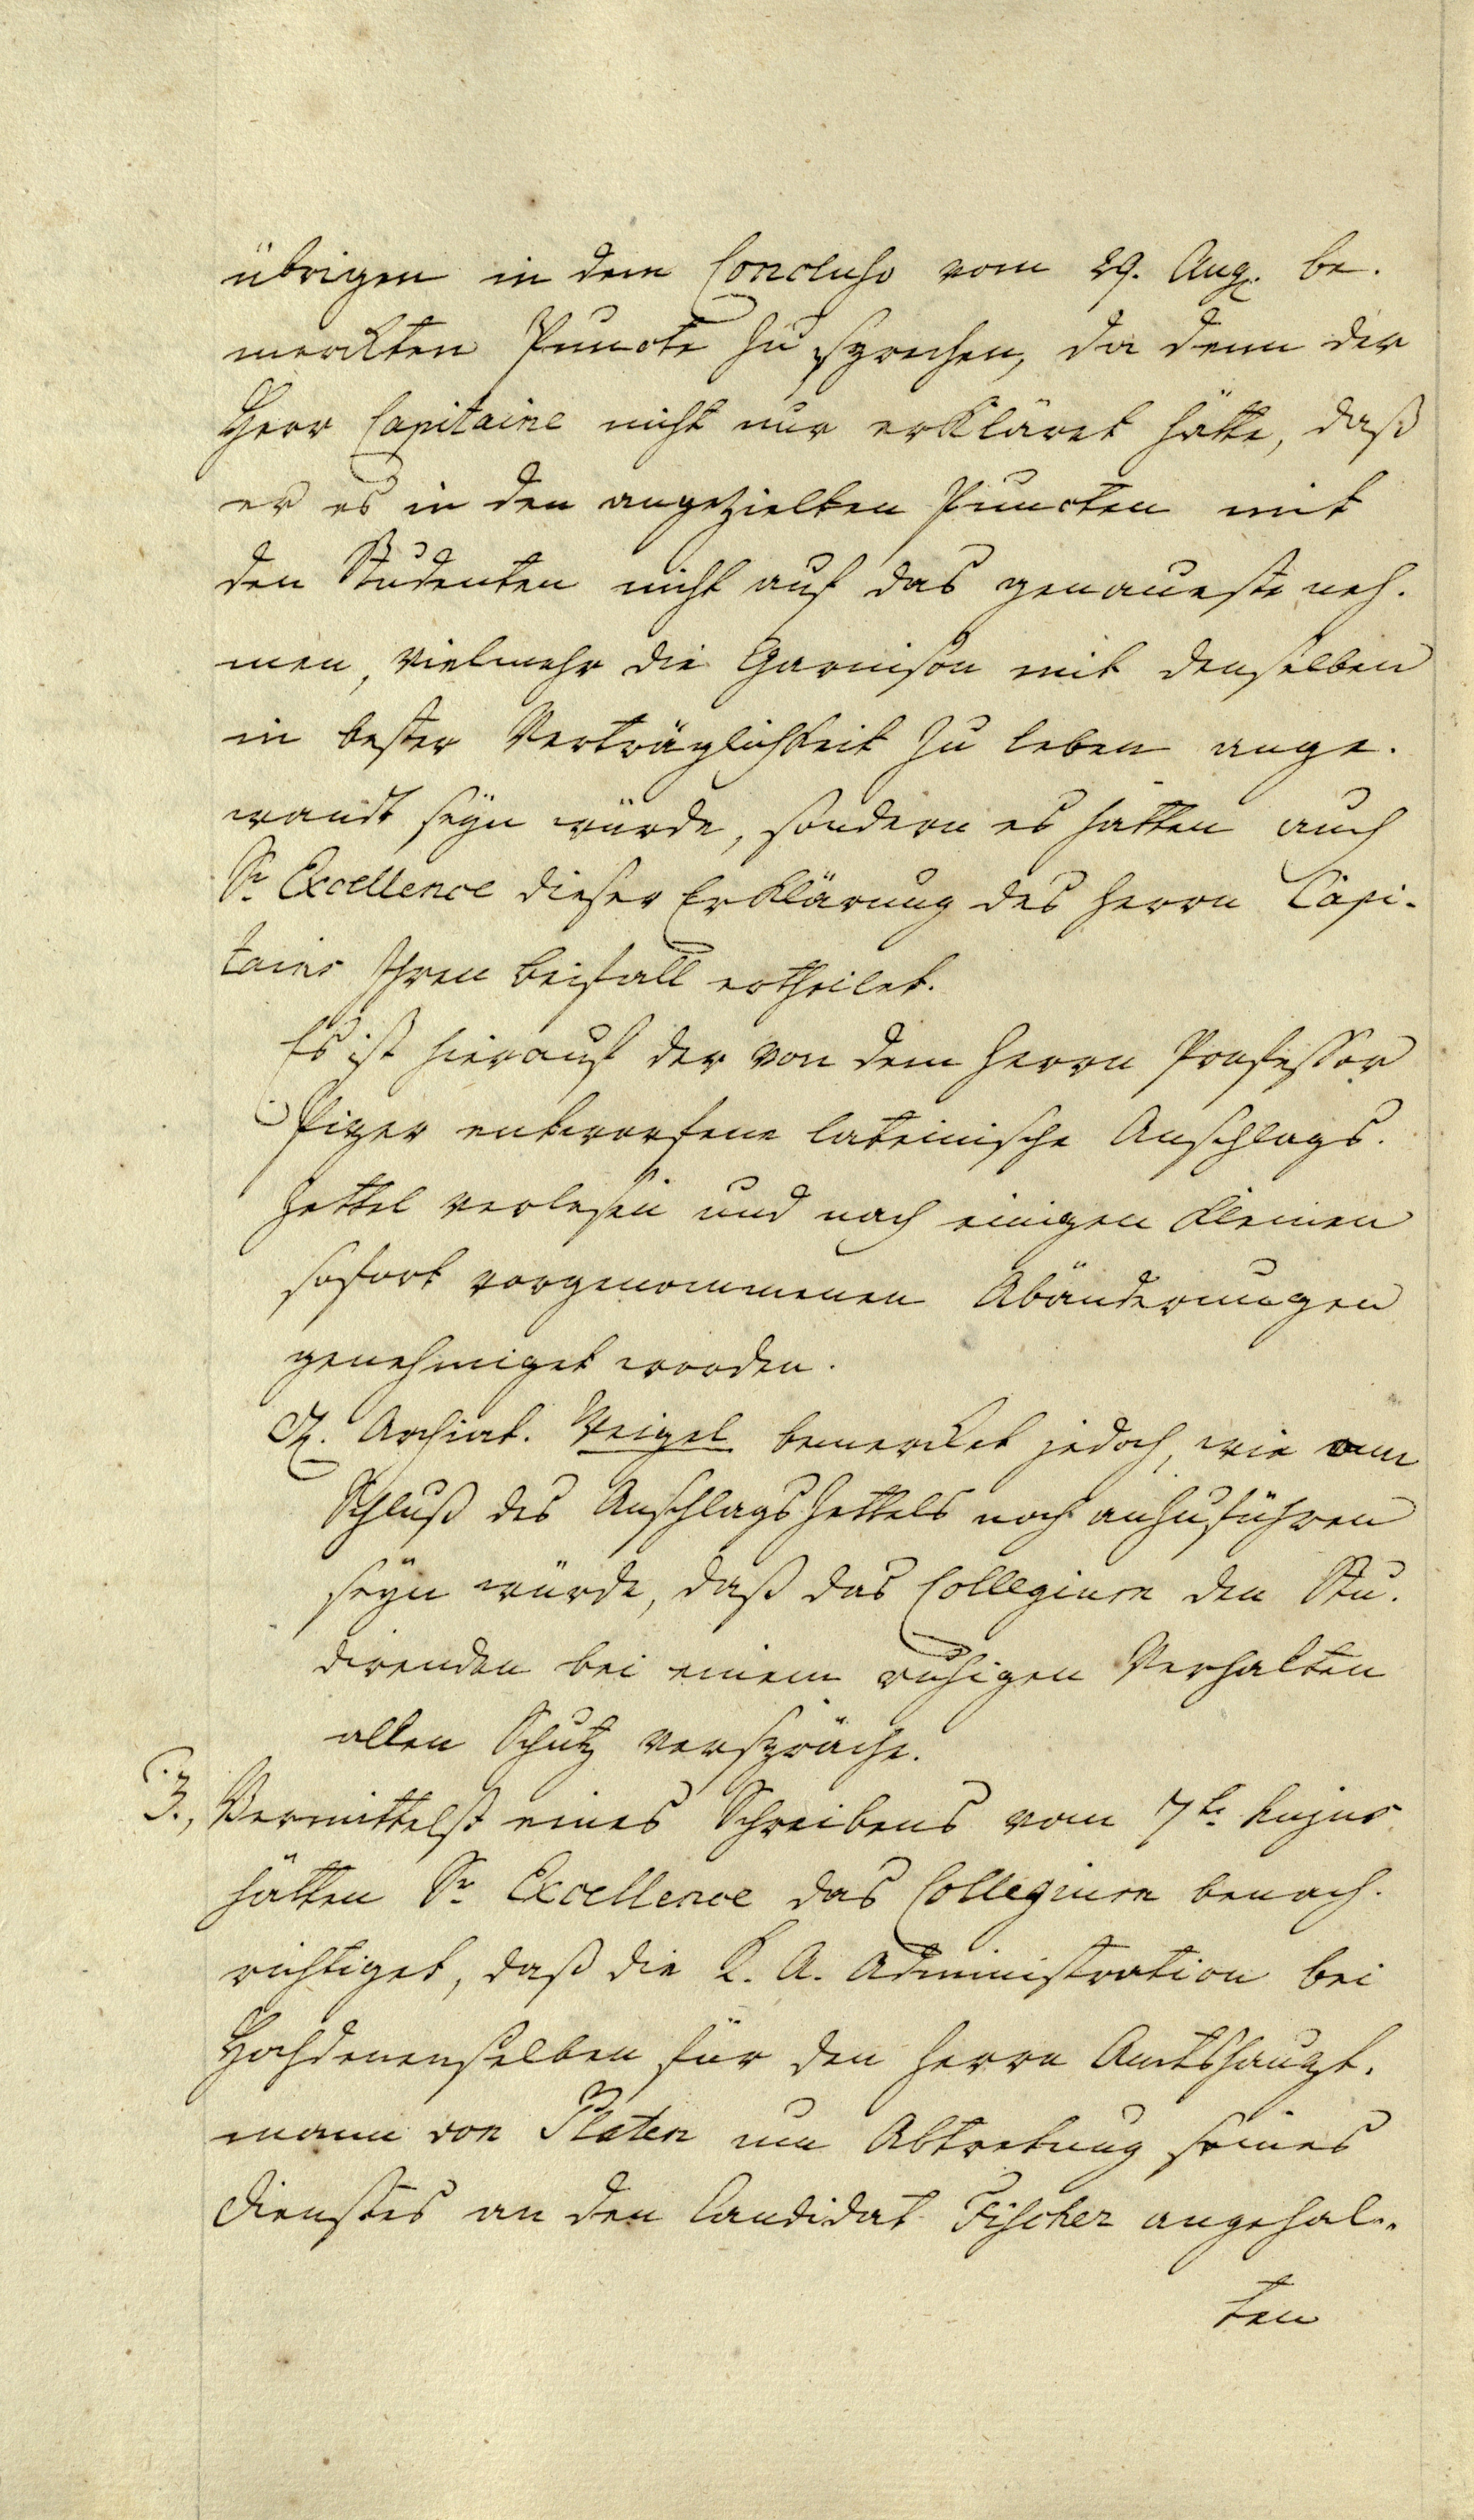übrigen in dem Concluso vom 29. Aug. be¬
merckten Puncte zu sprechen, die denn der
Herr Capitaine nicht nur erkläret hätte, daß
er es in den angezielten Puncten mit
den Studenten nicht auf das genaueste neh¬
men, vielmehr die Garnison mit denselben
in bester Verträglichkeit zu leben ange¬
wandt seÿn würde, sondern es hätten auch
Sr Excellence dieser Erklärung des Herrn Capi¬.
tains Ihren Beifall ertheilet.
Es so hierauf der von dem Herrn Professor
Piper entworfene lateinische Anschlags¬
zettel verlesen und nach einigen kleinen
sofort vorgenommenen Abänderungen
genehmiget worden.
dh. Archiat. Weigel bemercket jedoch, wie am
Schluß des Anschlagszettels noch anzuführen
seÿn würde, daß das Collegium den Stu¬
direnden bei einem ruhigen Verhalten
allen Schutz verspräche.
3. Vermittelst eines Schreibens vom 7 t hujus
hätten Sr Excellence das Collegium benach¬
richtiget, daß die K. A. Administration bei
Hochdenenselben für den Herrn Amtshaupt¬
mann von Platen um Abtretung seines
Dienstes an den Candidat Fischer angehal¬
ten